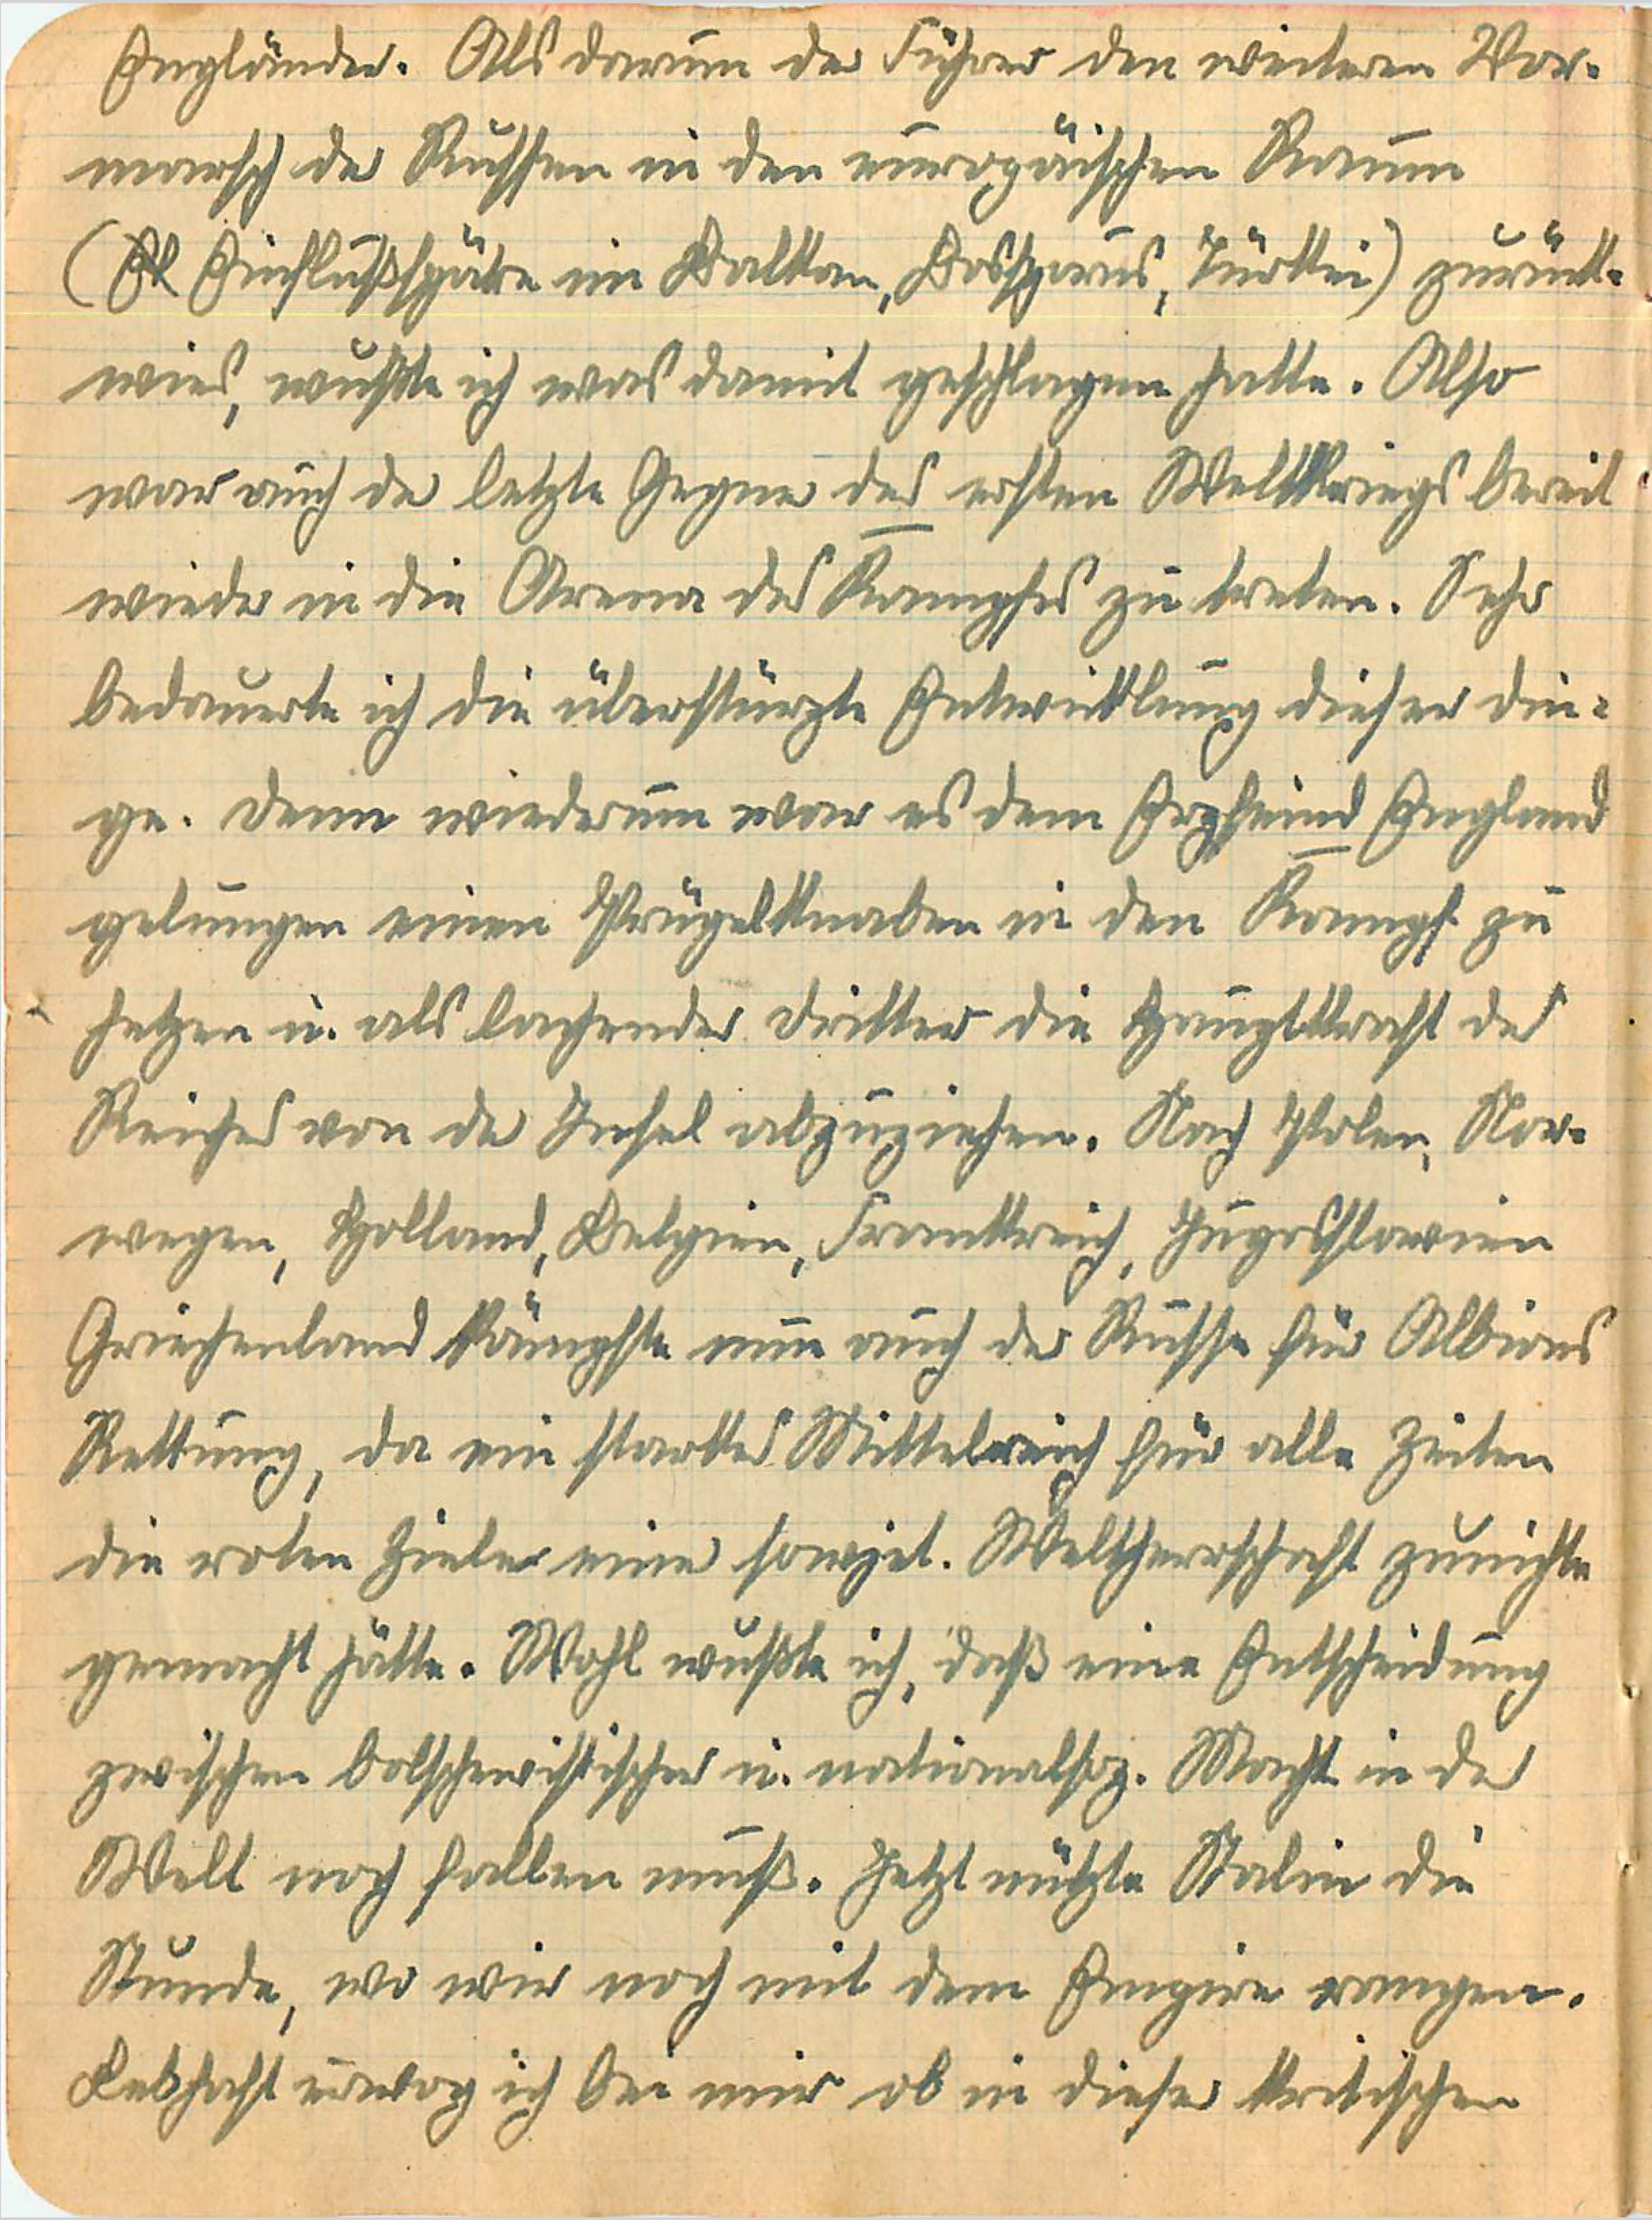Engländer. Als darum der Führer den weiteren Vor-
marsch der Russen in den europäischen Raum
(Eb Einflußsphäre im Balkan, Bosporus, Türkei) zurück-
wies, wußte ich was damit geschlagen hatte. Also
war auch der letzte Gegner des ersten Weltkriegs bereit
wieder in die Arena des Kampfes zu treten. Sehr
bedauerte ich die überstürzte Entwicklung dieser Din-
ge. Denn wiederum war es dem Erzfeind England
gelungen einen Prügelknaben in den Kampf zu
hetzen u. als lachender Dritter die Hauptkraft des
Reiches von der Insel abzuziehen. Nach Polen, Nor-
wegen, Holland, Belgien, Frankreich, Jugoslawien,
Griechenland kämpfte nun auch der Russe für Albions
Rettung, da ein starkes Mittelreich für alle Zeiten
die roten Ziele einer sowjet. Weltherrschaft zunichte
gemacht hätte. Wohl wußte ich, daß eine Entscheidung
zwischen bolschewistischer u. nationalsoz. Macht in der
Welt noch fallen muß. Jetzt nützte Stalin die
Stunde, wo wir noch mit dem Empire rangen.
Lebhaft erwog ich bei mir ob in dieser kritischen